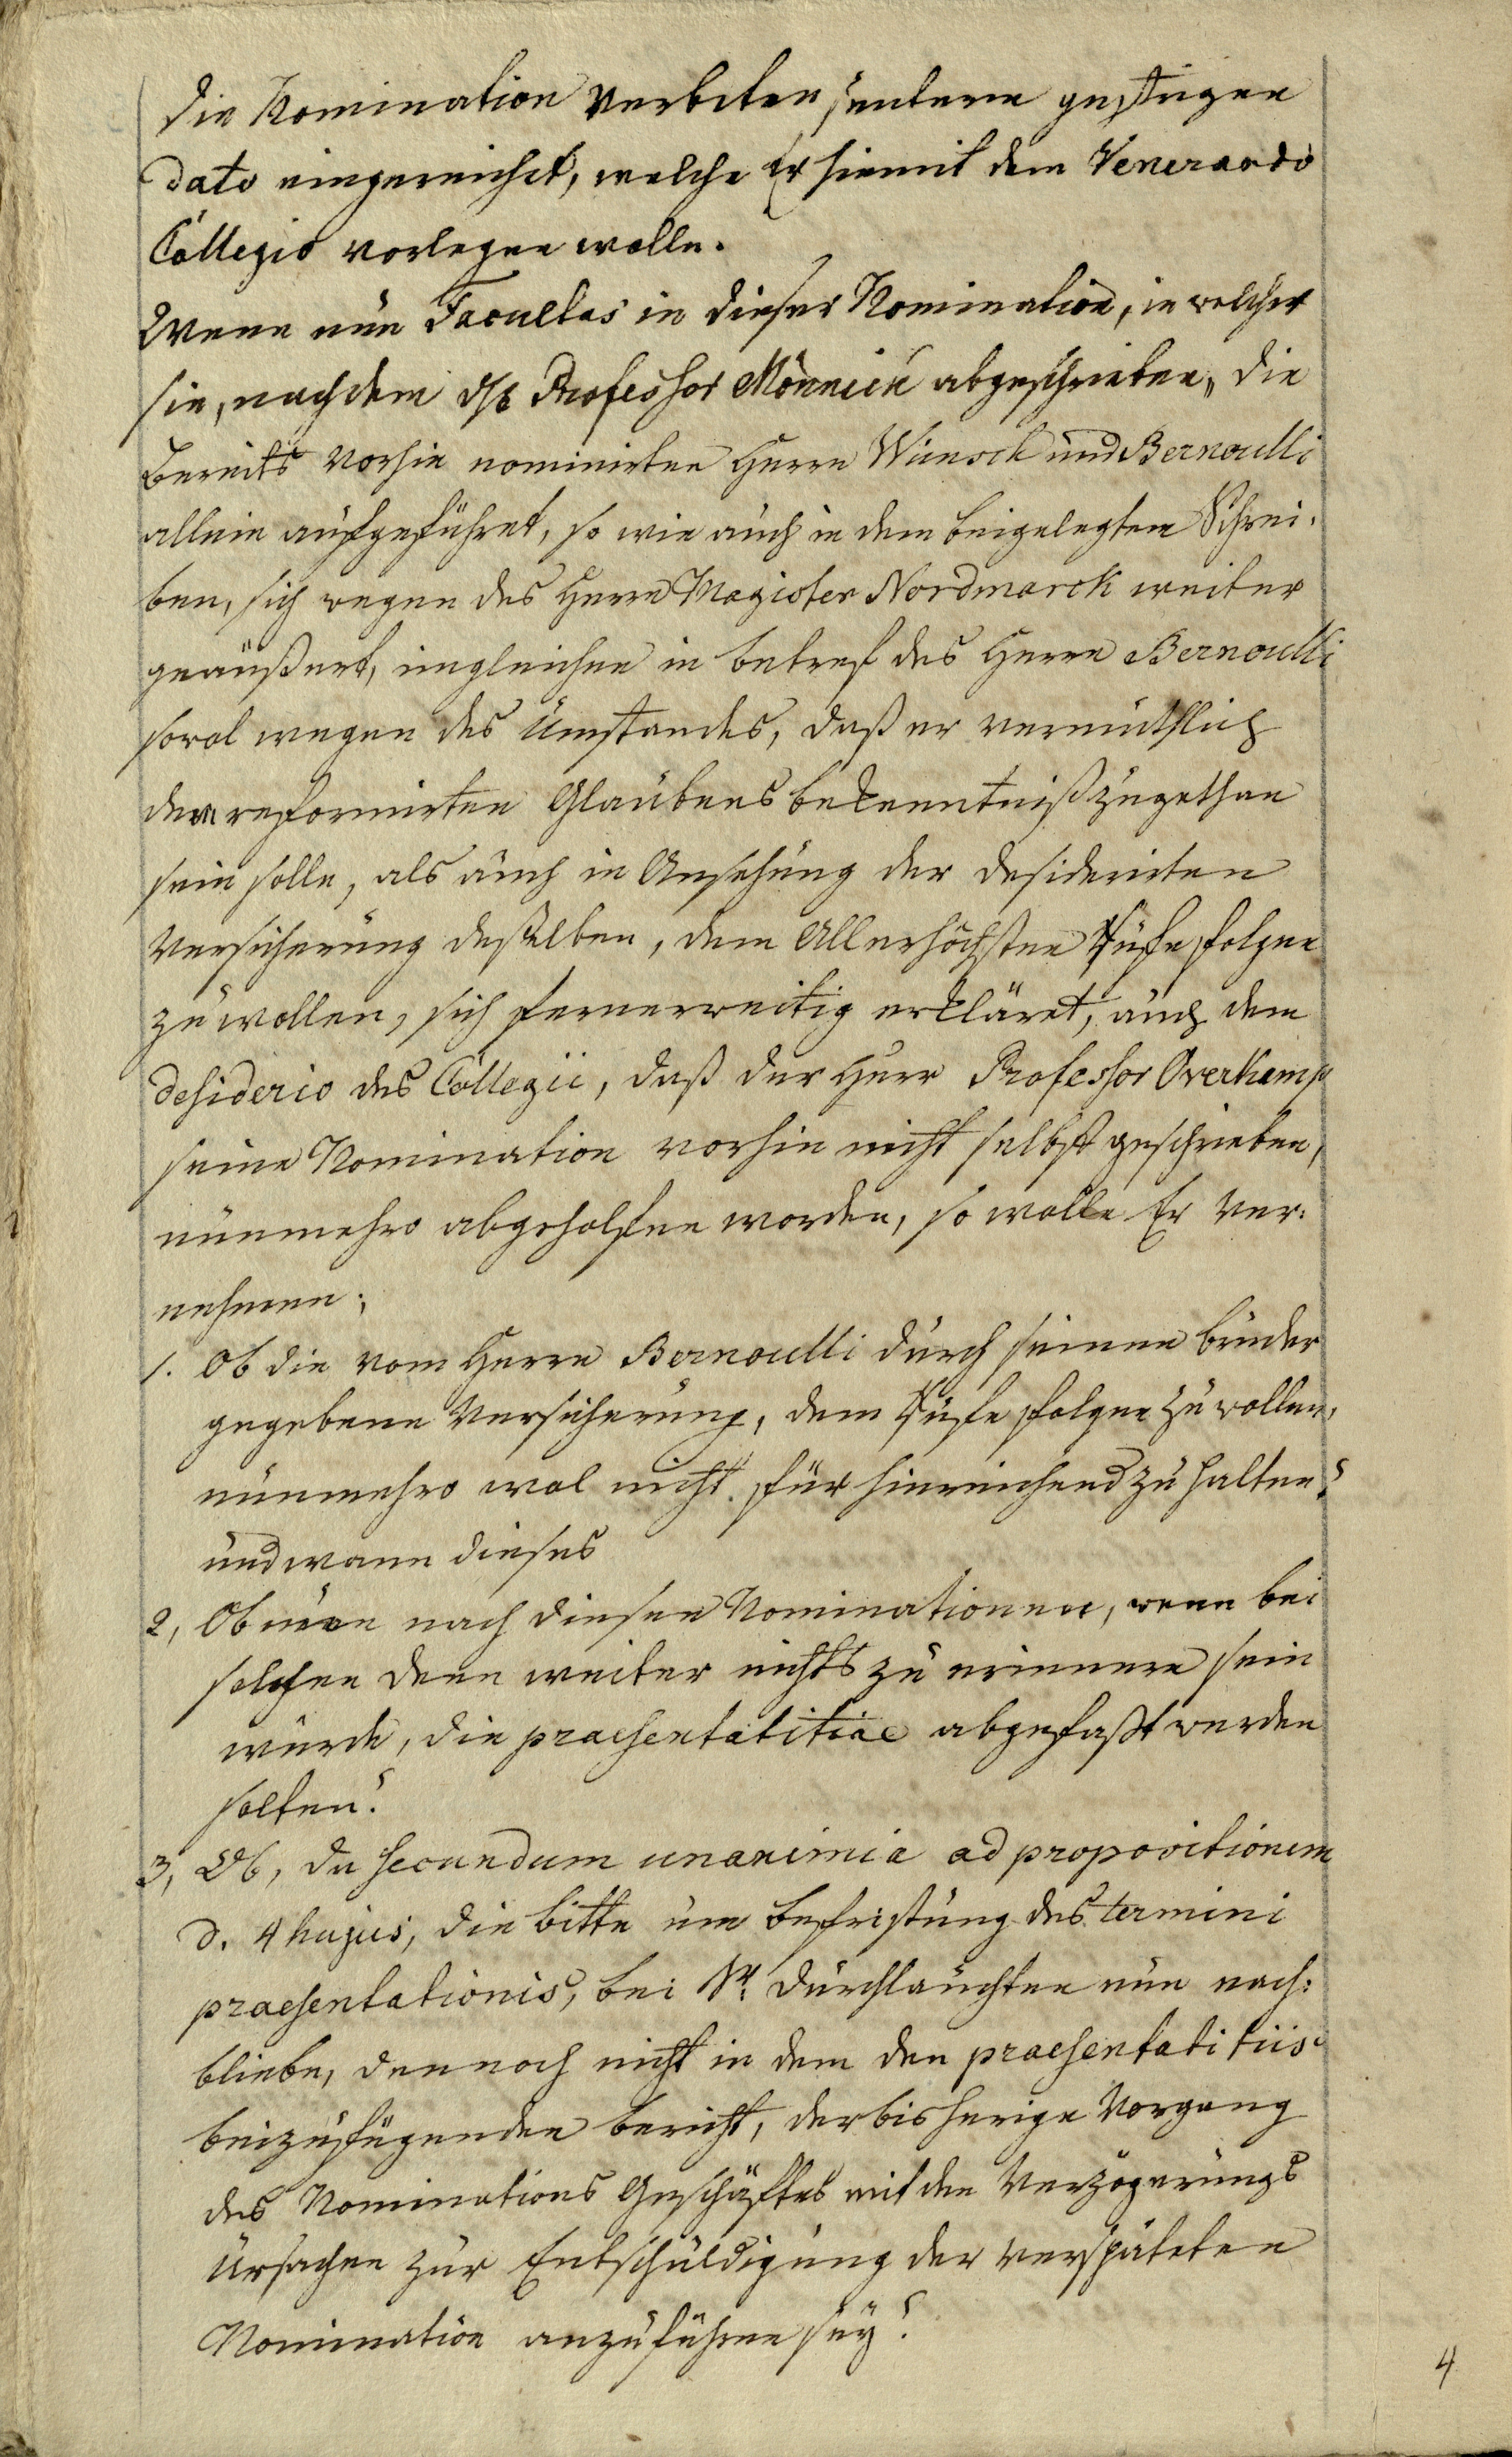die Nomination verbeten, unterm gestrigen
dato eingereichet, welche Er hiemit den Venerando
Collegio vorlegen wolle.
Wenn nun Facultas in dieser Nomination, in welcher
sie, nachdem dh Professor Mönnich abgeschrieben, die
bereits vorhin nominirten Herrn Wunsch und Bernoulli¬
allein aufgeführet, so wie auch in dem beigelegten Schrei¬
ben, sich wegen des Herrn Magister Nordmarck weiter
geäußert, imgleichen in Betref des Herrn Bernoulli
sowol wegen des Umstandes, daß er vermuthlich
dem reformirten Glaubensbekenntniß zugethan
sein solle, als auch in Ansehung der desideriten
Versicherung deßelben, dem Allerhöchsten Rufe folgen
zu wollen, sich fernerweitig erkläret, auch dem
desiderio des Collegii, daß der Herr Professor Overkamp
seine Nomination vorhin nicht selbst geschrieben,
nunmehro abgeholfen worden, so wolle Er ver¬
nehmen:
1. Ob die vom Herrn Bernoulli durch seinen Bruder
gegebene Versicherung, dem Rufe folgen zu wollen,
nunmehro wohl nicht für hinreichend zu halten?
und wann dieses
2, Ob nun nach diesen Nominationen, wenn bei
solchen denn weiter nichts zu erinnern sein
würde, die praesentatitiae abgefaßt werden
solten?
3, Ob, da secundum unanimia ad propositionem
d. 4 hujus, die Bitte um Befristung des termini
praesentationis, bei Sr Durchlauchten nun nach¬
bliebe, dennoch nicht in dem den praesentatitiis
beizufügenden Bericht, derbisherige Vorgang
des Nominations Geschäftes mit den Nerzögerungs
Ursachen zur Entschuldigung der verspäteten
Nomination anzuführen seÿ?